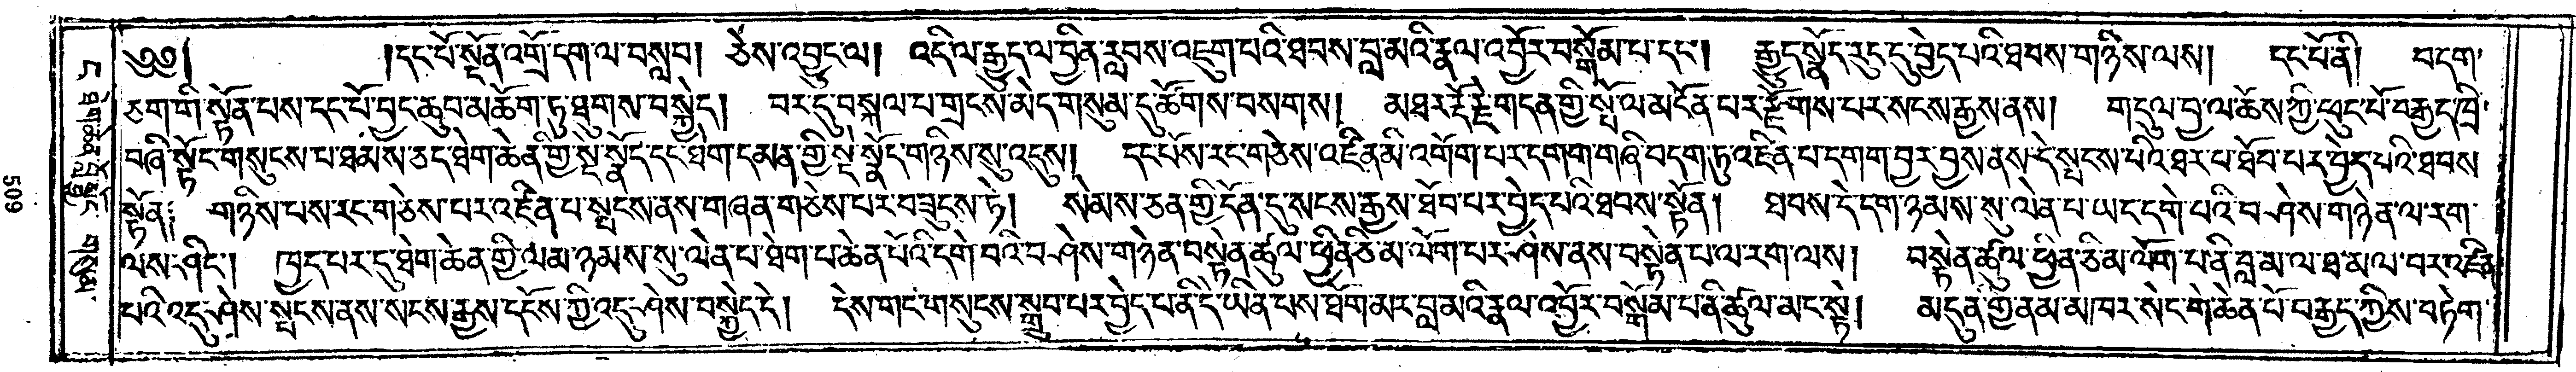༄༅། །དང་པོ་སྔོན་འགྲོ་དག་ལ་བསླབ། ཅེས་འབྱུང་ལ། འདི་ལ་རྒྱུད་ལ་བྱིན་རླབས་འཇུག་པའི་ཐབས་བླ་མའི་རྣལ་འབྱོར་བསྒོམ་པ་དང་། རྒྱུད་སྣོད་རུང་དུ་བྱེད་པའི་ཐབས་གཉིས་ལས། དང་པོ་ནི། བདག་
ཅག་གི་སྟོན་པས་དང་པོ་བྱང་ཆུབ་མཆོག་ཏུ་ཐུགས་བསྐྱེད། བར་དུ་བསྐལ་པ་གྲངས་མེད་གསུམ་དུ་ཚོགས་བསགས། མཐར་རྡོ་རྗེ་གདན་གྱི་སྤོ་ལ་མངོན་པར་རྫོགས་པར་སངས་རྒྱས་ནས། གདུལ་བྱ་ལ་ཆོས་ཀྱི་ཕུང་པོ་བརྒྱད་ཁྲི་
བཞི་སྟོང་གསུངས་པ་ཐམས་ཅད་ཐེག་ཆེན་གྱི་སྡེ་སྣོད་དང་ཐེག་དམན་གྱི་སྡེ་སྣོད་གཉིས་སུ་འདུས། དང་པོས་རང་གཅེས་འཛིན་མི་འགོག་པར་དགག་གཞི་བདག་ཏུ་འཛིན་པ་དགག་བྱར་བྱས་ནས་དེ་སྤངས་པའི་ཐར་པ་ཐོབ་པར་བྱེད་པའི་ཐབས་
སྟོན༑ གཉིས་པས་རང་གཅེས་པར་འཛིན་པ་སྤངས་ནས་གཞན་གཅེས་པར་བཟུངས་ཏེ། སེམས་ཅན་གྱི་དོན་དུ་སངས་རྒྱས་ཐོབ་པར་བྱེད་པའི་ཐབས་སྟོན། ཐབས་དེ་དག་ཉམས་སུ་ལེན་པ་ཡང་དགེ་བའི་བཤེས་གཉེན་ལ་རག་
ལས་ཤིང་། ཁྱད་པར་དུ་ཐེག་ཆེན་གྱི་ལམ་ཉམས་སུ་ལེན་པ་ཐེག་པ་ཆེན་པོའི་དགེ་བའི་བཤེས་གཉེན་བསྟེན་ཚུལ་ཕྱིན་ཅི་མ་ལོག་པར་ཤེས་ནས་བསྟེན་པ་ལ་རག་ལས། བསྟེན་ཚུལ་ཕྱིན་ཅི་མ་ལོག་པ་ནི་བླ་མ་ལ་ཐ་མལ་བར་འཛིན་
པའི་འདུ་ཤེས་སྤངས་ནས་སངས་རྒྱས་དངོས་ཀྱི་འདུ་ཤེས་བསྐྱེད་དེ། དེས་གང་གསུངས་སྒྲུབ་པར་བྱེད་པ་ནི་དེ་ཡིན་པས་ཐོག་མར་བླ་མའི་རྣལ་འབྱོར་བསྒོམ་པ་ནི་ཚུལ་མང་སྟེ། མདུན་གྱི་ནམ་མཁར་སེང་གེ་ཆེན་པོ་བརྒྱད་ཀྱིས་བཏེག་